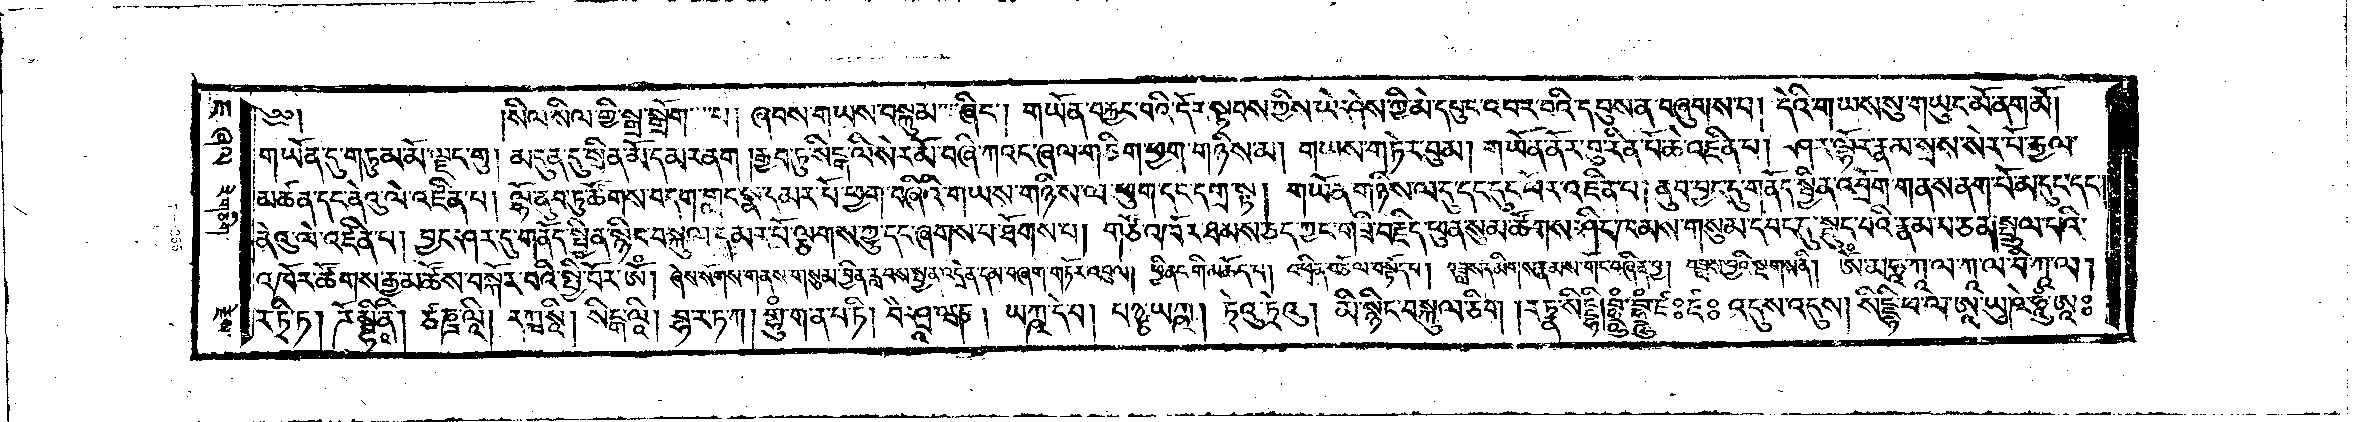༄༅། །སིལ་སིལ་གྱི་སྒྲ་སྒྲོག་པ། ཞབས་གཡས་བསྐུམ་ཞིང་། གཡོན་བརྐྱང་བའི་དོར་སྟབས་ཀྱིས་ཡེ་ཤེས་ཀྱི་མེ་དཔུང་འབར་བའི་དབུས་ན་བཞུགས་པ། དེའི་གཡས་སུ་གཡུང་མོ་ནག་མོ།
གཡོན་དུ་གཏུམ་མོ་ལྗང་གུ། མདུན་དུ་སྲིན་མོ་དམར་ནག །རྒྱབ་ཏུ་སིངྒ་ལི་སེར་མོ་བཞི་ཀའང་ཞལ་གཅིག་ཕྱག་གཉིས་མ། གཡས་གཏེར་བུམ། གཡོན་ནོར་བུ་རིན་པོ་ཆེ་འཛིན་པ། ཤར་ལྷོར་རྣམ་སྲས་སེར་པོ་རྒྱལ་
མཚན་དང་ནེའུ་ལེ་འཛིན་པ། ལྷོ་ནུབ་ཏུ་ཚོགས་བདག་གླང་སྣ་དམར་པོ་ཕྱག་བཞིའི་གཡས་གཉིས་ལ་ཕུག་དང་དགྲ་སྟ། གཡོན་གཉིས་ལ་དུ་དང་དུང་ཕོར་འཛིན་པ། ནུབ་བྱང་དུ་གནོད་སྦྱིན་འབྲོག་གནས་ནག་པོ་མདུང་དང་།
ནེའི་ལེ་འཛིན་པ། བྱང་ཤར་དུ་གནོད་སྦྱིན་སྙིང་བསྐུལ་དམར་པོ་ལྕགས་ཀྱུ་དང་ཞགས་པ་ཐོགས་པ། གཙོ་འཁོར་ཐམས་ཅད་ཀྱང་གཟི་བརྗོད་ཕུན་སུམ་ཚོགས་ཤིང་ཁམས་གསུམ་དབང་དུ་སྡུད་པའི་རྣམ་པ་ཅན་སྤྲུལ་པའི་
འཁོར་ཚོགས་རྒྱ་མཚོས་བསྐོར་བའི་སྤྱི་བོར་ཨོཾ། ཞེས་སོགས་གནས་གསུམ་བྱིན་རླབས་སྤྱན་འདྲེན་དམ་བཞག་གཏོར་འབུལ། ཕྱི་ནང་གི་མཆོད་པ། འཕྲིན་བཅོལ་བསྟོད་པ། བཟླས་དམིགས་རྣམས་གོང་བཞིན་བྱ། བཟླས་བྱའི་སྔགས་ནི།  ཨོཾ་མཧཱ་ཀཱ་ལ་ཀཱ་ལ་བི་ཀཱ་ལ།
ར་ཏྲི་ཏ། ཌོམྦྷིནཱི། ཙནྜ་ལཱི། རཀྵ་སཱི། སིངྒ་ལཱི། བྷ་ར་ཏ་ཀ། གྷུཾ་ག་ན་པ་ཏི། བཻ་ཤྲཱ་ཝཎ། ཡཀྵ་དེ་བ། པཉྩ་ཡཀྵ། ཏྲེའུ་ཏྲེའུ། མི་སྙིང་བསྐུལ་ཅིག །རཏྞ་སིདྡྷི་བྷྲཱུཾ་བྷྲཱུཾ་ཛཿ ཛཿ འདུས་འདུས། སིདྡྷི་ཕ་ལ་ཨཱ་ཡུཥེ་ཧཱུཾ་ཨཱཿ